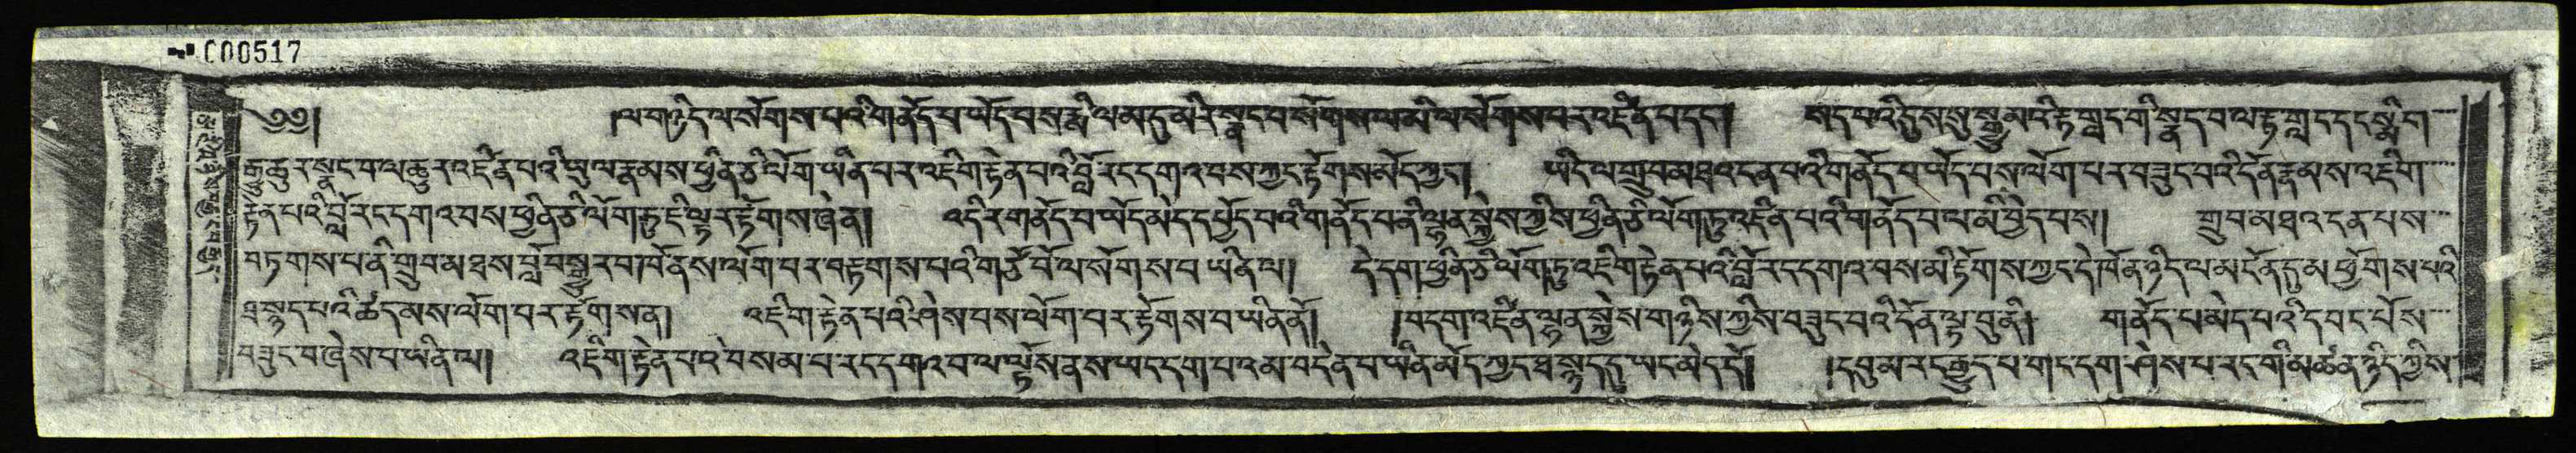༄༅། །ལ་གཉིད་ལ་སོགས་པའི་གནོད་པ་ཡོད་པས་རྨི་ལམ་དུ་མིར་སྣང་བ་སོགས་ལ་མི་ལ་སོགས་པར་འཛིན་པ་དང་། སད་པའི་དུས་སུ་སྒྱུ་མའི་རྟ་གླང་གི་སྣང་བ་ལ་རྟ་གླང་དང་སྨིག་
རྒྱུ་ཆུར་སྣང་བ་ལ་ཆུར་འཛིན་པའི་ཡུལ་རྣམས་ཕྱིན་ཅི་ལོག་ཡིན་པར་འཇིག་རྟེན་པའི་བློ་རང་དགའ་བས་ཀྱང་རྟོགས་མོད་ཀྱང་། ཡིད་ལ་གྲུབ་མཐའ་ངན་པའི་གནོད་པ་ཡོད་པས་ལོག་པར་བཟུང་བའི་དོན་རྣམས་འཇིག་
རྟེན་པའི་བློ་རང་དགའ་བས་ཕྱིན་ཅི་ལོག་ཏུ་ཇི་ལྟར་རྟོགས་ཞེ་ན། འདིར་གནོད་པ་ཡོད་མེད་དཔྱོད་པའི་གནོད་པ་ནི་ལྷན་སྐྱེས་ཀྱིས་ཕྱིན་ཅི་ལོག་ཏུ་འཛིན་པའི་གནོད་པ་ལ་མི་བྱེད་པས། གྲུབ་མཐའ་ངན་པས་
བཏགས་པ་ནི་གྲུབ་མཐས་བློ་བསྒྱུར་བ་ཁོ་ནས་ལོག་པར་བརྟགས་པའི་གཙོ་བོ་ལ་སོགས་པ་ཡིན་ལ། དེ་དག་ཕྱིན་ཅི་ལོག་ཏུ་འཇིག་རྟེན་པའི་བློ་རང་དགའ་བས་མི་རྟོགས་ཀྱང་དེ་ཁོ་ན་ཉིད་ལ་མངོན་དུ་མ་ཕྱོགས་པའི་
ཐ་སྙད་པའི་ཚད་མས་ལོག་པར་རྟོགས་ན། འཇིག་རྟེན་པའི་ཤེས་པས་ལོག་པར་རྟོགས་པ་ཡིན་ནོ། །བདག་འཛིན་ལྷན་སྐྱེས་གཉིས་ཀྱིས་བཟུང་བའི་དོན་ལྟ་བུ་ནི། གནོད་པ་མེད་པའི་དབང་པོས་
བཟུང་བ་ཞེས་པ་ཡིན་ལ། འཇིག་རྟེན་པའི་བསམ་པ་རང་དགའ་བ་ལ་ལྟོས་ནས་ཡང་དག་པའམ་བདེན་པ་ཡིན་ཡོད་ཀྱང་ཐ་སྙད་དུ་ཡང་མེད་དོ། །དུ་མ་རང་རྒྱུད་པ་གང་དག་ཤེས་པ་རང་གི་མཚན་ཉིད་ཀྱིས་